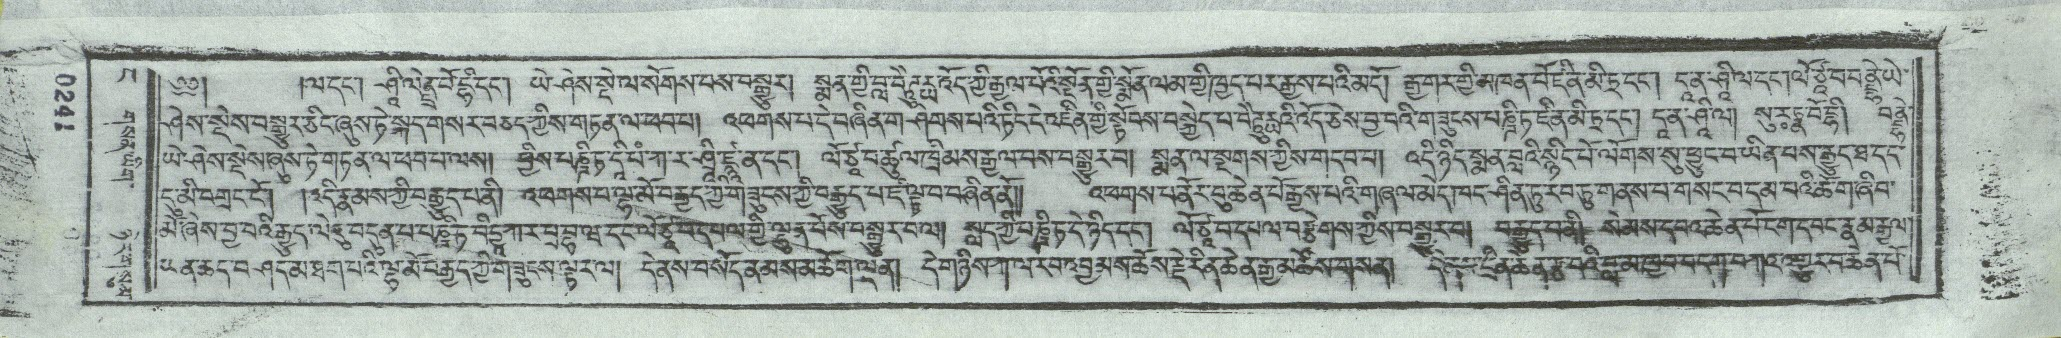༄༅། །ལ་དང་། ཤཱི་ལེནྡྲ་བོ་དྷི་དང་། ཡེ་ཤེས་སྡེ་ལ་སོགས་པས་བསྒྱུར། སྨན་གྱི་བླ་བཻཌཱུརྱ་འོད་ཀྱི་རྒྱལ་པོའི་སྔོན་གྱི་སྨོན་ལམ་གྱི་ཁྱད་པར་རྒྱས་པའི་མདོ། རྒྱ་གར་གྱི་མཁན་པོ་ཛི་ནི་མི་ཏྲ་དང་། དཱ་ནཱ་ཤཱི་ལ་དང་། ལོ་ཙཱ་བ་བནྡྷེ་ཡེ་
ཤེས་སྡེས་བསྒྱུར་ཅིང་ཞུགས་ཏེ་སྐད་གསར་བཅད་ཀྱིས་གཏན་ལ་ཕབ་བ། འཕགས་པ་དེ་བཞིན་གཤེགས་པའི་ཏིང་ངེ་འཛིན་གྱི་སྟོབས་བསྐྱེད་པ་བཻཌཱུརྱའི་འོད་ཅེས་བྱ་བའི་གཟུངས་པཎྜི་ཏ་ཛི་ན་མི་ཏྲ་དང་། དཱ་ན་ཤཱི་ལ། སུ་རཏྣ་བོ་དྷི། བནྡྷེ་
ཡེ་ཤེས་སྡེས་ཞུས་ཏེ་གཏན་ལ་ཕབ་པ་ལས། ཕྱིས་པཎྜི་ཏ་འདི་པཾ་ཀ་ར་ཤྲཱི་ཛྙཱ་དང་། ལོ་ཙཱ་བ་ཚུལ་ཁྲིམས་རྒྱལ་བས་བསྒྱུར་བ། སྨན་ལ་སྔགས་ཀྱིས་གདབ་པ། འདི་ཉིད་སྨན་བླའི་སྙིང་པོ་ལོགས་སུ་ཕྱུང་བ་ཡིན་པས་རྒྱུད་ཐ་དད་
དུ་མི་བགྲང་པོ། །འདི་རྣམས་ཀྱི་བརྒྱུད་པ་ནི། འཕགས་པ་ལྷ་མོ་བརྒྱད་ཀྱི་གཟུངས་ཀྱི་བརྒྱུད་པ་ཛ་ལྟ་བ་བཞིན་ནོ།། འཕགས་པ་ནོར་བུ་ཆེན་པོ་རྒྱས་པའི་གཞལ་མེད་ཁང་ཤིན་ཏུ་རབ་ཏུ་གནས་པ་གསང་བ་དམ་པའི་ཆོག་གཞི་བ་
མོ་ཞེས་བྱ་བའི་རྒྱུད་ལེའུ་བདུན་པ་པཎྜི་ཏ་བིདྱཱ་ཀ་ར་པྲ་བྷ་ཝ་དང་ལོ་ཙཱ་བ་དཔལ་གྱི་ལྷུན་པོས་བསྒྱུར་བ་ལ། སླད་ཀྱི་ལ་པཎྜི་ཏ་དེ་ཉིད་དང་། ལོ་ཙཱ་པ་དཔལ་བརྩེགས་ཀྱིས་བསྒྱུར་བ། བརྒྱུད་པ་ནི། སེམས་དཔའི་ཆེན་པོ་ངག་དབང་རྣམ་རྒྱལ་
ཡན་ཆད་བཤད་མ་ཐག་པའི་ལྷ་མོ་བརྒྱད་ཀྱི་གཟུངས་ལྟར་ལ། དེ་ནས་བསོད་ནམས་མཆོག་ལྡན། དེ་གཉིས་ཀ་ལ་རབ་འབྱམས་ཆོས་རྗེ་རིན་ཆེན་རྒྱ་མཚོས་གསན། དེ་ནས་དྲིན་ཆེན་རྩ་བའི་བླ་མ་ཁྱབ་བདག་བཀའ་འགྱུར་བ་ཆེན་པོ།